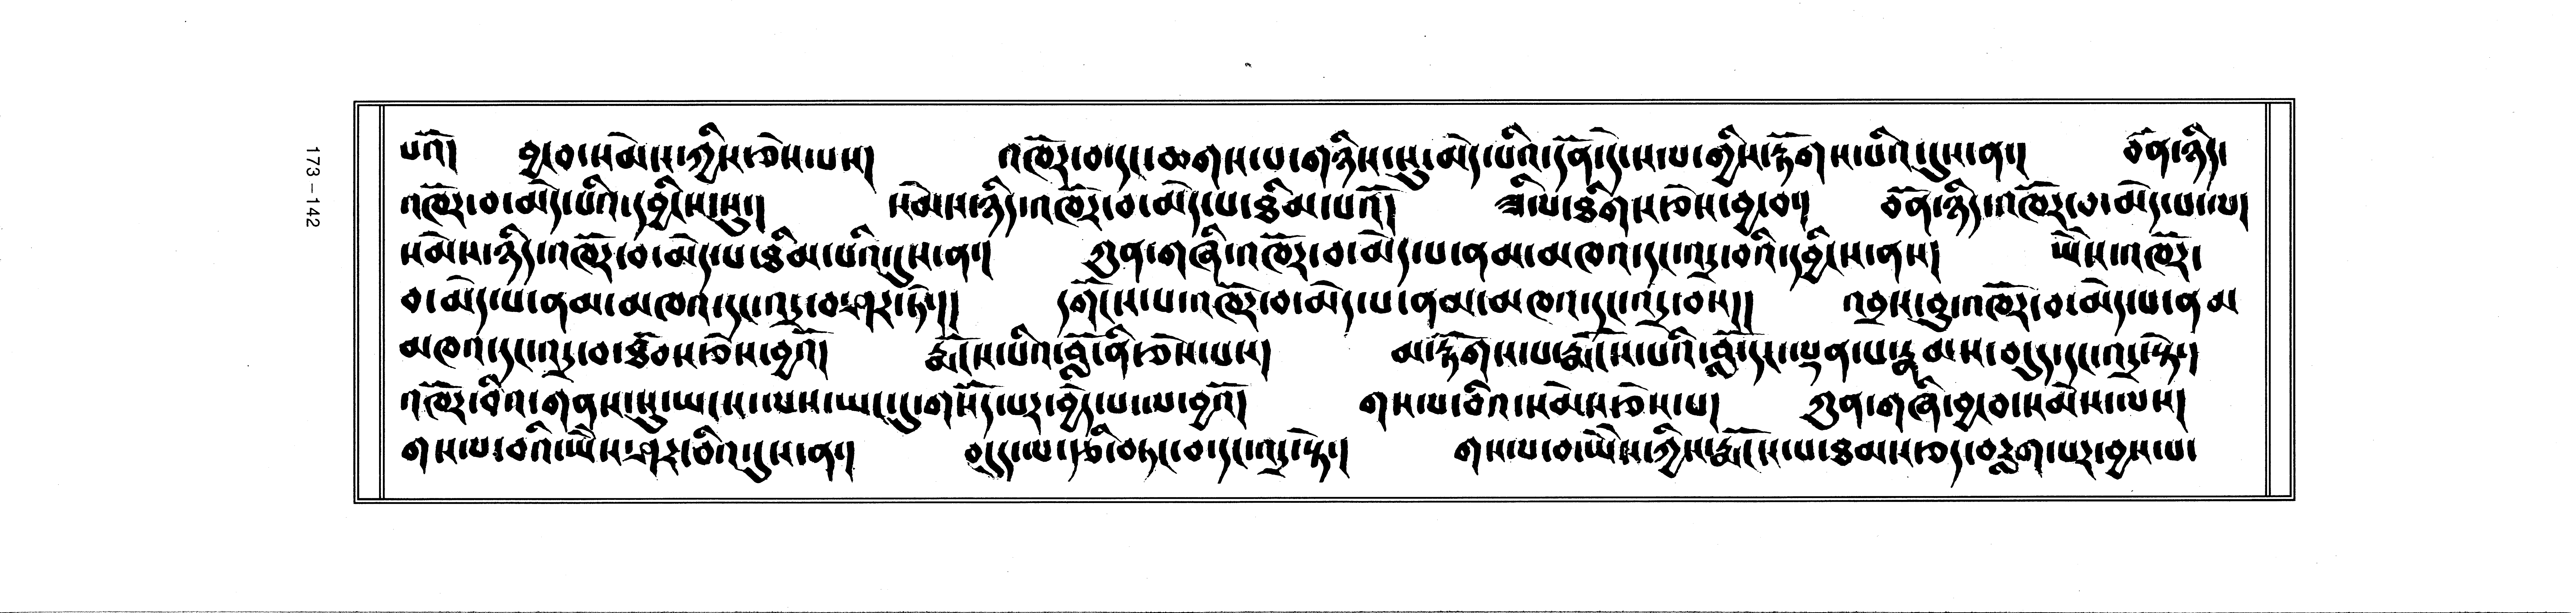པའོ། བྱང་ཆུབ་ཀྱི་སེམས་ཅེས་པས། འཁོར་བ་དང་ཆགས་པ་གཉིས་སུ་མེད་པའི་དོན་དེ་སལ་གྱིས་རྟོགས་པའི་དུས་ན། བོན་ཉིད་
འཁོར་བ་མེད་པའི་དབྱིངས་སུ། སེམས་ཉིད་འཁོར་བ་མེད་པ་ལ་ཐིམ་པའི་ཐིམ་པའི་ ཟིལ་ཐིགས་ཙེས་བྱ་བ་ བོན་ཉིད་འཁོར་མེད་པ་ལ་
སེམས་ཉིད་འཁོར་བ་མེད་པ་ཐིམ་པའི་དུས་ན། ཀུན་གཞི་འཁོར་བ་མེད་པ་ནམ་མཁའ་དང་འདྲ་བའི་དབྱིངས་ནས། ཡེ་ཤེས་འཁོར་
བ་མེད་པ་ནམ་མཁའ་དང་འདྲ་བ་ཤར་ཏེ། དགོངས་པ་འཁོར་བ་མེད་པ་ནམ་མཁའ་དང་འདྲ་བས། འབྲས་བུ་འཁོར་བ་མེད་པ་ནམ་
མཁའ་དང་འདྲ་བ་ཐོབ་ཅེས་བྱའོ། །རྨོངས་པའི་བློ་ནི་ཅེས་པས། མ་རྟོགས་པ་རྨོངས་པའི་བློ་དང་ལྡན་པ་རྣམས་བདུད་དང་འདྲ་སྟེ། 
འཁོར་བའི་གནས་སུ་ཡང་ནས་ཡང་དུ་གསོད་པར་བྱེད་པ་ལ་བྱའོ། །གསལ་བའི་སེམས་ཅེས་པས། ཀུན་གཞི་བྱང་ཆུབ་ཀྱི་སེམས་ལས་
གསལ་བའི་ཡེ་ཤེས་ཤར་བའི་དུས་ན། བདུད་ལ་རྩི་བཏང་བ་དང་འདྲ་སྟེ། གསལ་བ་ཡེ་ཤེས་ཀྱི་རྨོངས་པ་ཐམས་ཅད་བརླག་པར་བྱས་པ་